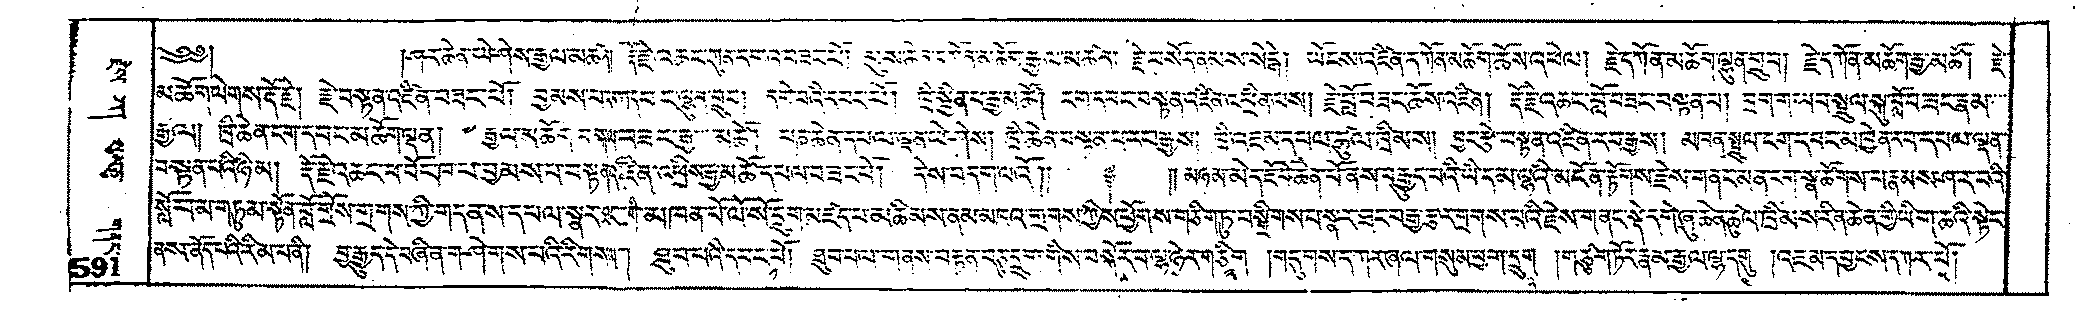༄༅། །ཤར་ཆེན་ཡེ་ཤེས་རྒྱལ་མཚན། རྡོ་རྗེ་འཆང་ཀུན་དགའ་བཟང་པོ། མུས་ཆེན་དཀོན་མཆོག་རྒྱལ་མཚན། རྗེ་བསོད་ནམས་སེངྒེ། ཡོངས་འཛིན་དཀོན་མཆོག་ཆོས་འཕེལ། རྗེ་དཀོན་མཆོག་ལྷུན་གྲུབ། རྗེ་དཀོན་མཆོག་རྒྱ་མཚོ། རྗེ་
མཆོག་ལེགས་རྡོ་རྗེ། རྗེ་བསྟན་འཛིན་བཟང་པོ། བྱམས་པ་ངག་དབང་ལྷུན་གྲུབ། དགེ་བའི་དབང་པོ། ཁྲི་སྦྱིན་པ་རྒྱ་མཚོ། ངག་དབང་བསྟན་འཛིན་འཕྲིན་ལས། རྗེ་བློ་བཟང་ཆོས་འཛིན། རྡོ་རྗེ་འཆང་བློ་བཟང་བསྟན་པ། བྲག་གཡབ་སྤྲུལ་སྐུ་བློ་བཟང་རྣམ་
རྒྱལ། ཁྲི་ཆེན་ངག་དབང་མཆོག་ལྡན། ༧རྒྱལ་མཆོག་བསྐལ་བཟང་རྒྱམཚོ། པཎ་ཆེན་དཔལ་ལྡན་ཡེ་ཤེས། ཁྲི་ཆེན་བསྟན་པ་རབ་རྒྱས། ཁྲི་འཇམ་དཔལ་ཚུལ་ཁྲིམས། བྱང་རྩེ་བསྟན་འཛིན་རབ་རྒྱས། མཁན་སྤྲུལ་ངག་དབང་མཁྱེན་རབ་དཔལ་ལྡན་
བསྟན་པའི་ཉི་མ། རྡོ་རྗེ་འཆང་ཕ་བོང་ཁ་པ་བྱམས་པ་བསྟན་འཛིན་འཕྲིས་རྒྱ་མཚོ་དཔལ་བཟང་པོ། དེས་བདག་ལའོ།། འ་།།མཉམ་མེད་ཇོ་བོ་ཆེན་པོ་ནས་བརྒྱུད་པའི་ཡི་དམ་ལྷའི་མངོན་རྟོགས་རྗེས་གནང་མན་ངག་སྣ་ཚོགས་པ་རྣམས་ཤ་ར་བའི་
སློབ་མ་གཏུམ་སྟོན་བློ་གྲོས་གྲགས་ཀྱི་གདན་ས་དཔལ་སྣར་ཐང་གི་མཁན་པོ་ལོ་སོ་དྲུག་མཛད་པ་མཆིམས་ནམ་མཁའ་གྲགས་ཀྱིས་ཕྱོགས་གཅིག་ཏུ་བསྒྲིགས་པ་སྣར་ཐང་བརྒྱ་རྩར་གྲགས་པའི་རྗེས་གནང་སྡེ་དགེ་ཞུ་ཆེན་ཚུལ་ཁྲིམས་རིན་ཆེན་གྱི་ཡིག་ཆའི་སྟེང་
ནས་ནོད་པའི་རིམ་པ་ནི། བྱ་རྒྱུད་དེ་བཞིན་གཤེགས་པའི་རིགས་ལ། ཐུབ་པའི་དབང་པོ། ཐུབ་པ་ལ་གནས་བརྟན་བཅུ་དྲུག་གིས་བསྐོར་བ་ལྷ་ཉེར་གཅིག །གདུགས་དཀར་ཞལ་གསུམ་ཕྱག་དྲུག །གཙུག་ཏོར་རྣམ་རྒྱལ་ལྷ་དགུ །འཇམ་དབྱངས་དཀར་པོ།